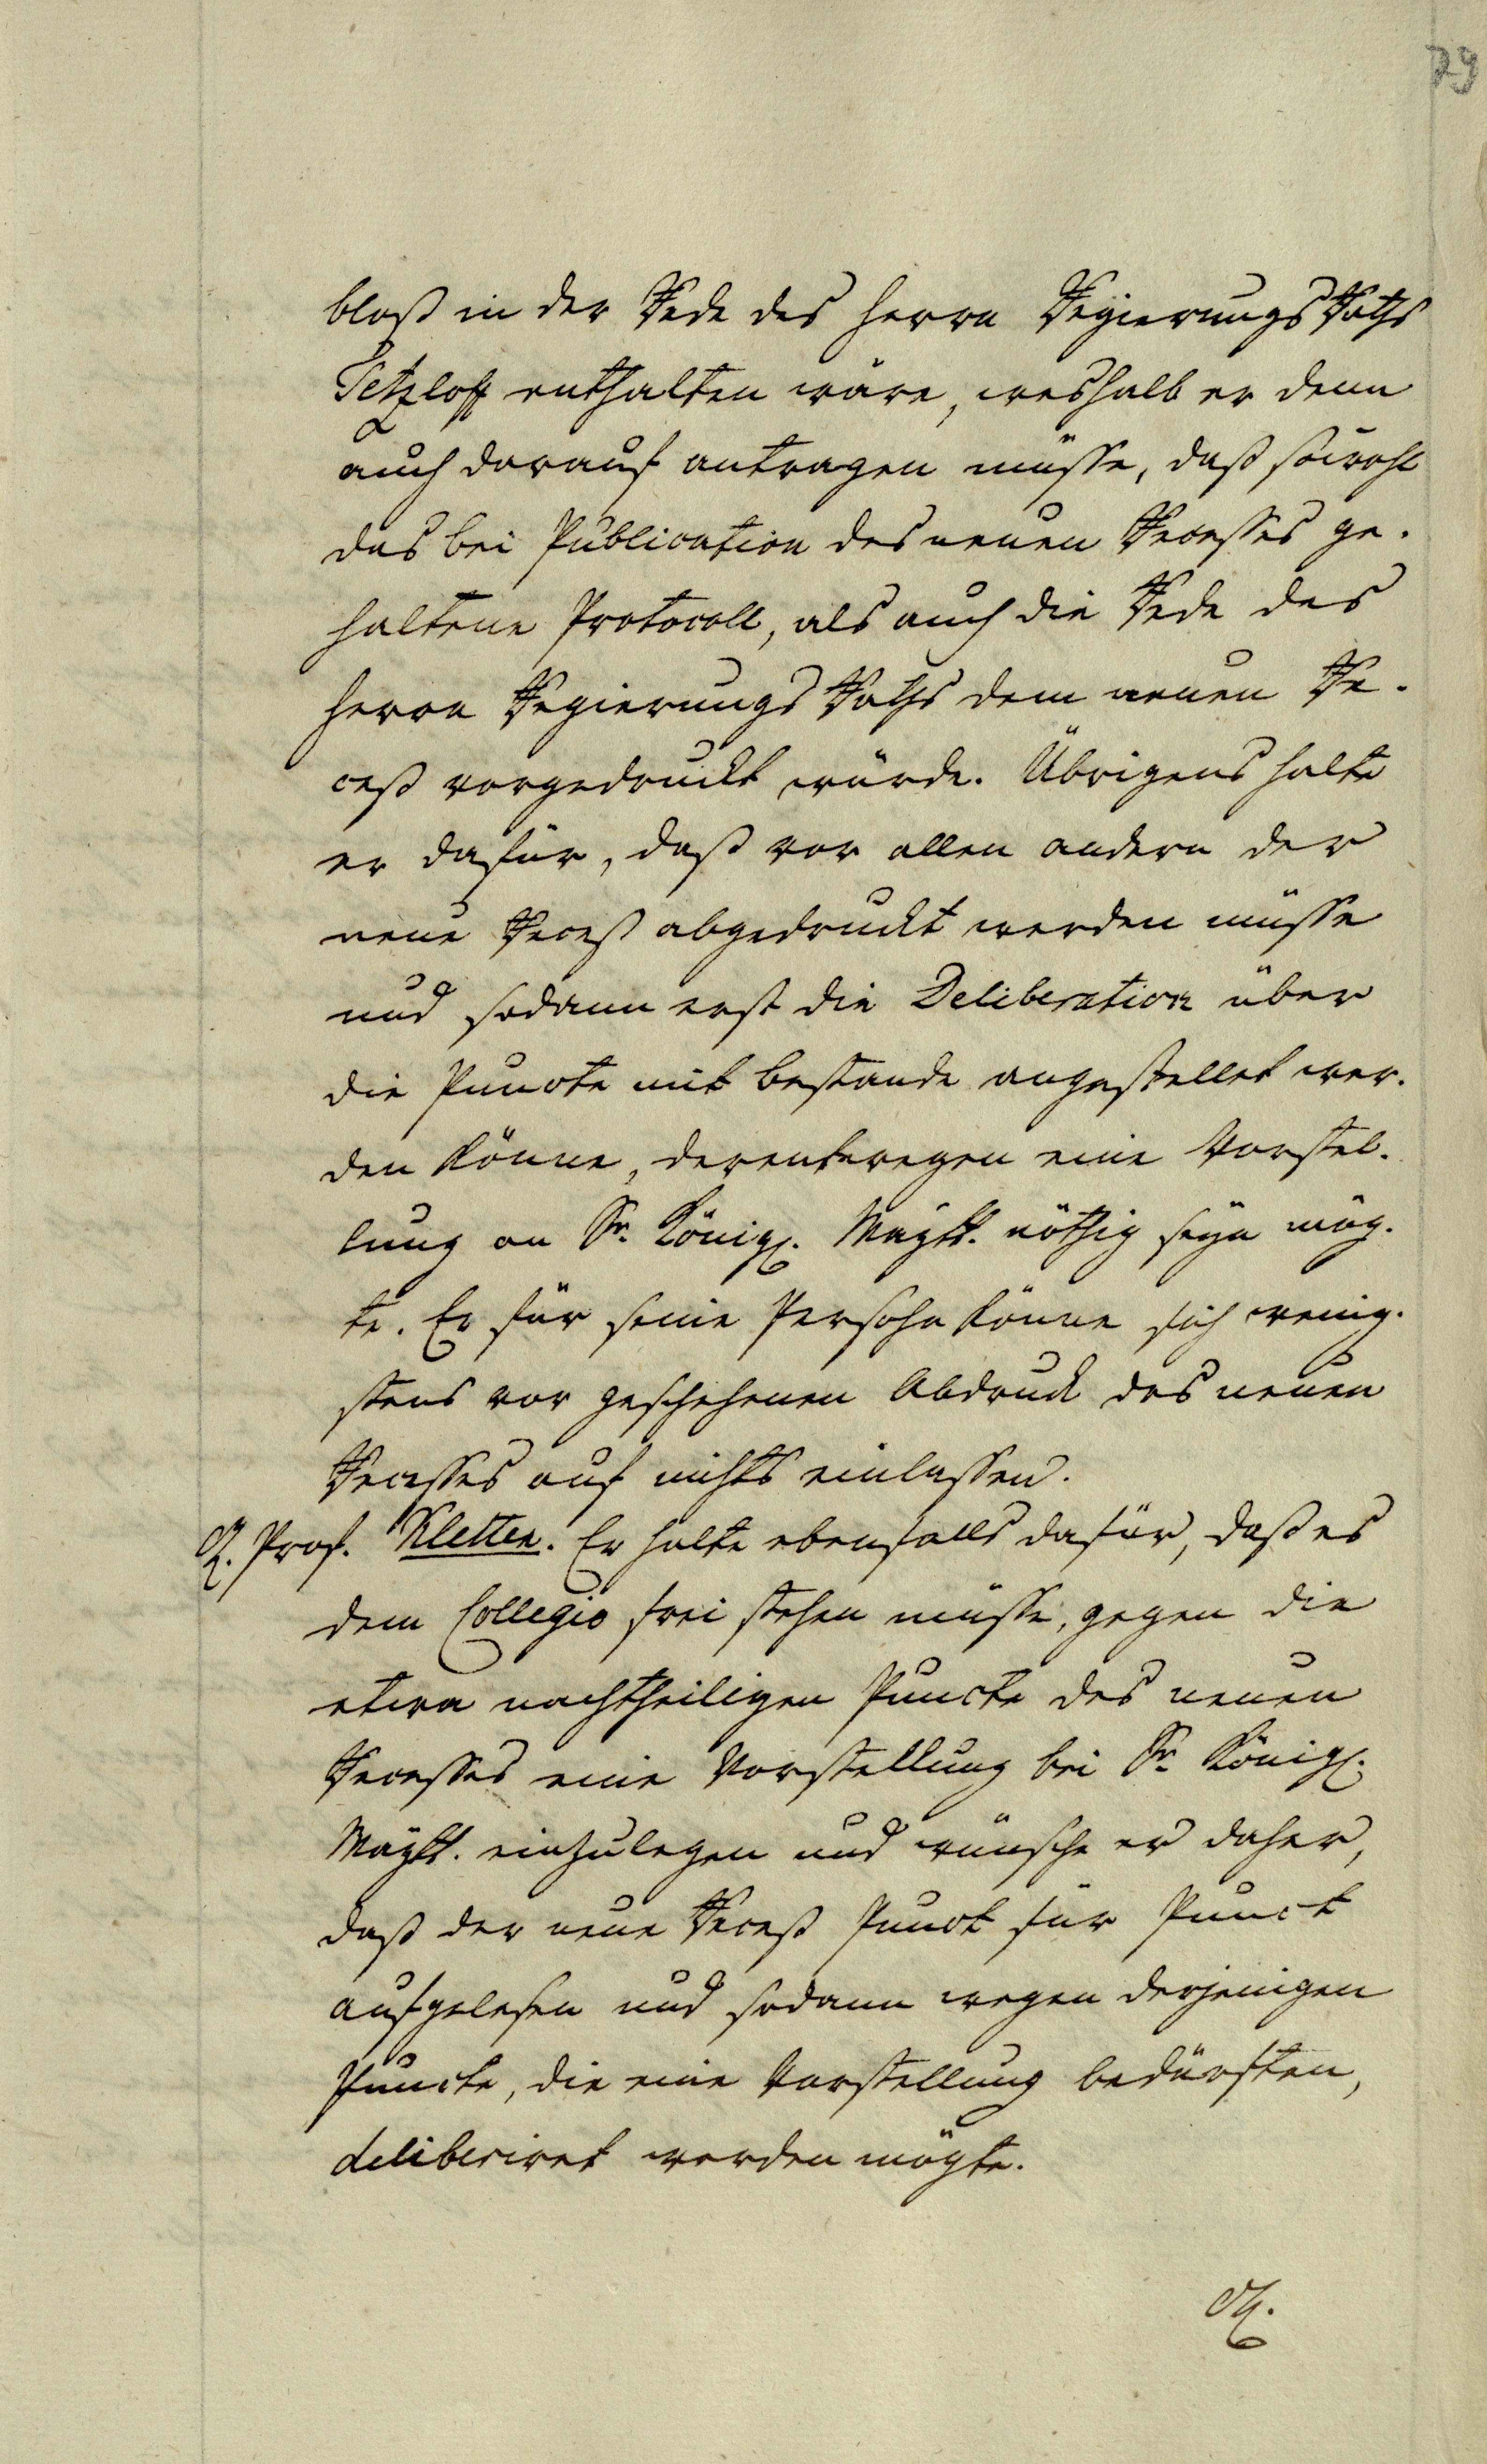bloß in der Rede des Herrn Regierungs Raths
Tetzloff enthalten wäre, weshalb er denn
auch darauf antragen müsse, daß sowohl
das bei Publication des neuen Recesses ge¬
haltene Protocoll, als auch die Rede des
Herrn Regierungs Raths dem neuen Re¬
ceß vorgedruckt würde. Übrigens halte
er dafür, daß vor allen andern der
neue Receß abgedruckt werden müsse
und sodann erst die Deliberation über
die Puncte mit Bestande angestellet wer¬
den könne, derentwegen eine Vorstel¬
lung an Sr Königl. Maÿtt. nöthig seÿn mög¬
te. Er für seine Persohn könne sich wenig¬
stens vor geschehenen Abdruck des neuen
Recesses auf nichts einlassen.
dh. Prof. Kletten. Er halte ebenfalls dafür, daß es
dem Collegio frei stehen müsse, gegen die
etwa nachtheiligen Puncte des neuen
Recesses eine Vorstellung bei Sr Königl.
Maÿtt. einzulegen und wünsche er daher,
daß der neue Receß Punct für Punct
aufgelesen und sodann wegen derjenigen
Puncte, die eine Vorstellung bedürften,
deliberiret werden mögte.
dh.